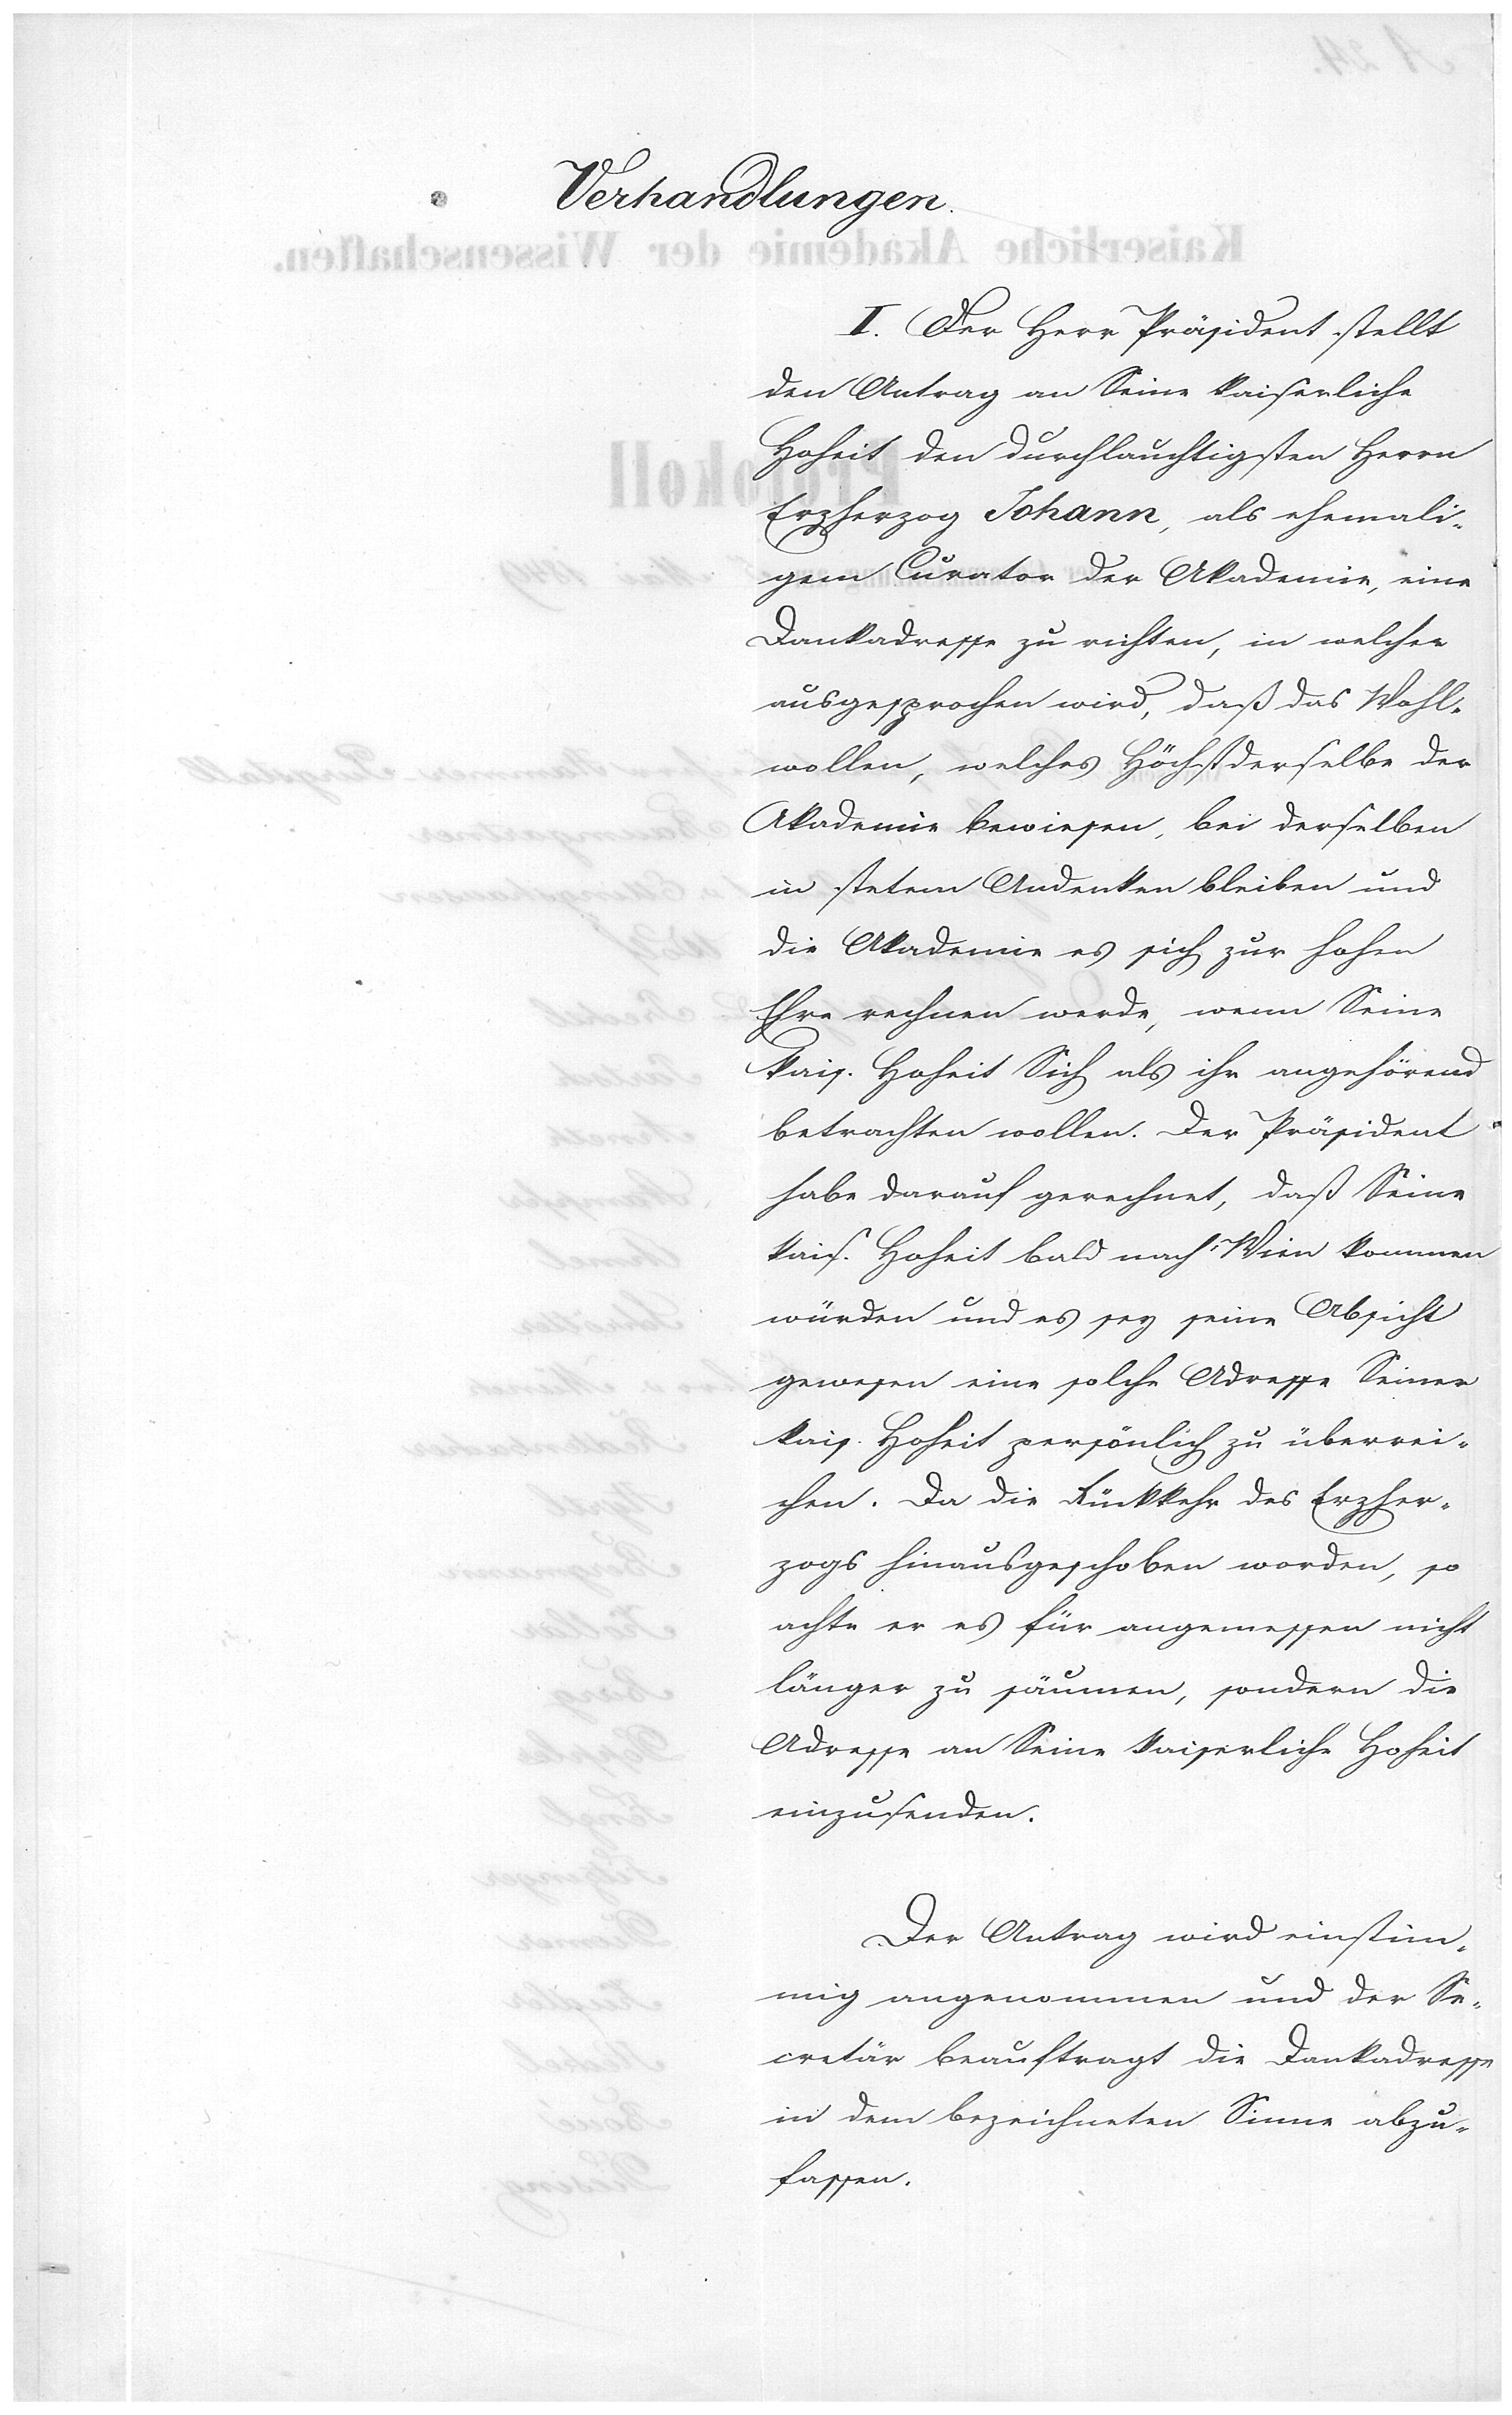Verhandlungen
I. Der Herr Präsident stellt
den Antrag an Seine kaiserliche
Hoheit den durchlauchtigsten Herrn
Erzherzog Johann, als ehemali-
gem Curator der Akademie, eine
Dankadresse zu richten, in welcher
ausgesprochen wird, daß das Wohl-
wollen, welches Höchstderselbe der
Akademie bewiesen, bei derselben
in stetem Andenken bleiben und
die Akademie es sich zur hohen
Ehre rechnen werde, wenn Seine
kais. Hoheit Sich, als ihr angehörend
betrachten wollen. Der Präsident
habe darauf gerechnet, daß Seine
kais. Hoheit bald nach Wien kommen
würden und es sey seine Absicht
gewesen eine solche Adresse Seiner
kais. Hoheit persönlich zu überrei-
chen. Da die Rückkehr des Erzher-
zogs hinausgeschoben worden, so
achte er es für angemessen nicht
länger zu säumen, sondern die
Adresse an Seine kaiserliche Hoheit
einzusenden.
Der Antrag wird einstim-
mig angenommen und der Se-
cretär beauftragt die Denkadrese
in dem bezeichneten Sinne abzu-
fassen.